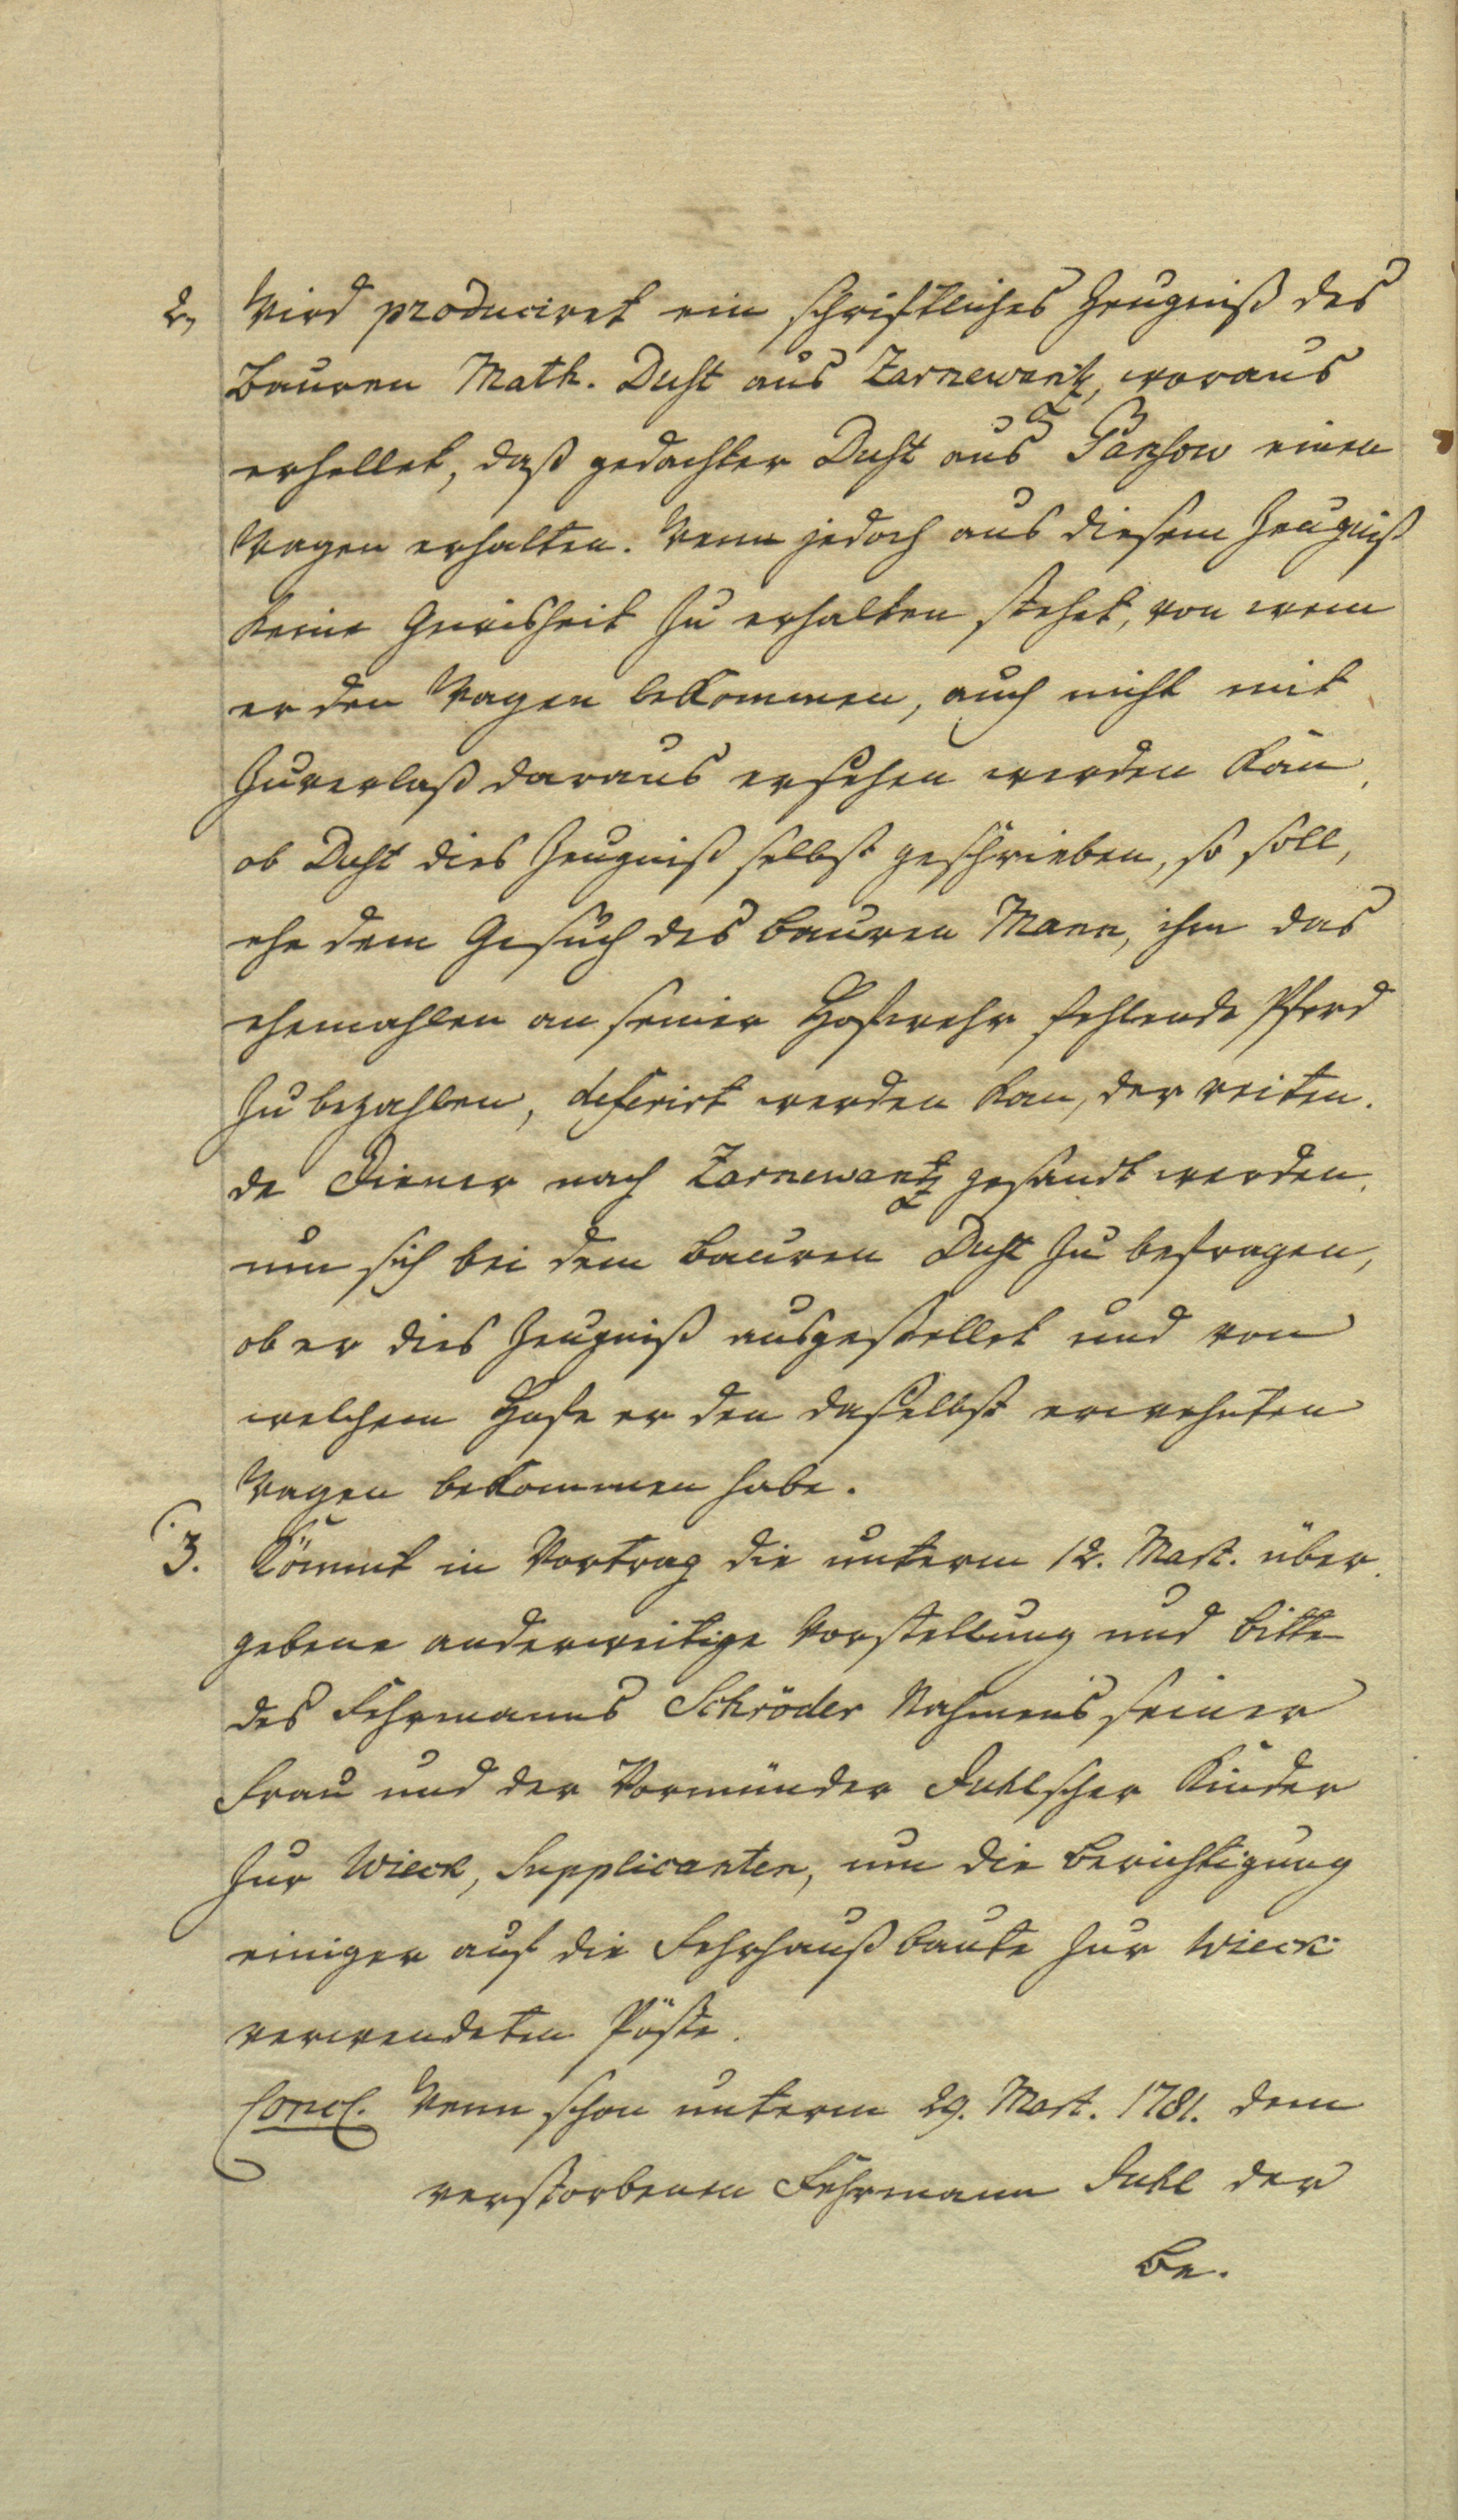2. Wird produciret ein schriftliches Zeugniß des
Bauren Math. Dust aus Zarnewantz, woraus
erhellet, daß gedachter Dust aus Pansow einen
Wagen erhalten. Wenn jedoch aus diesem Zeugniß
keine Gewisheit zu erhalten stehet, von wem
er den Wagen bekommen, auch nicht mit
Zuverlaß daraus ersehen werden kan,
ob Dust dies Zeugniß selbst geschrieben, so soll,
ehe dem Gesuch des Bauren Mann, ihm das
ehemahlen an seiner Hofwehr fehlende Pferd
zu bezahlen, deferirt werden kan, der reiten¬
de Diener nach Zarnewantz gesandt werden,
um sich bei dem Bauren Dust zu befragen,
ob er dies Zeugniß ausgestellet und von
welchem Hofe er den daselbst erwehnten
Wagen bekommen habe.
3. Kömmt in Vortrag die unterm 12. Mart. über¬
gebene anderweitige Vorstellung und Bitte
des Fehrmanns Schröder Nahmens seiner
Frau und der Vormünder Juhlscher Kinder
zur Wieck, Supplicanten, um die Berichtigung
einiger auf die Fehrhaußbaute zur Wieck
verwendeten Pöste.
Concl. Wenn schon unterm 29. Mart. 1781. dem
verstorbenen Fehrmann Juhl der
Be¬